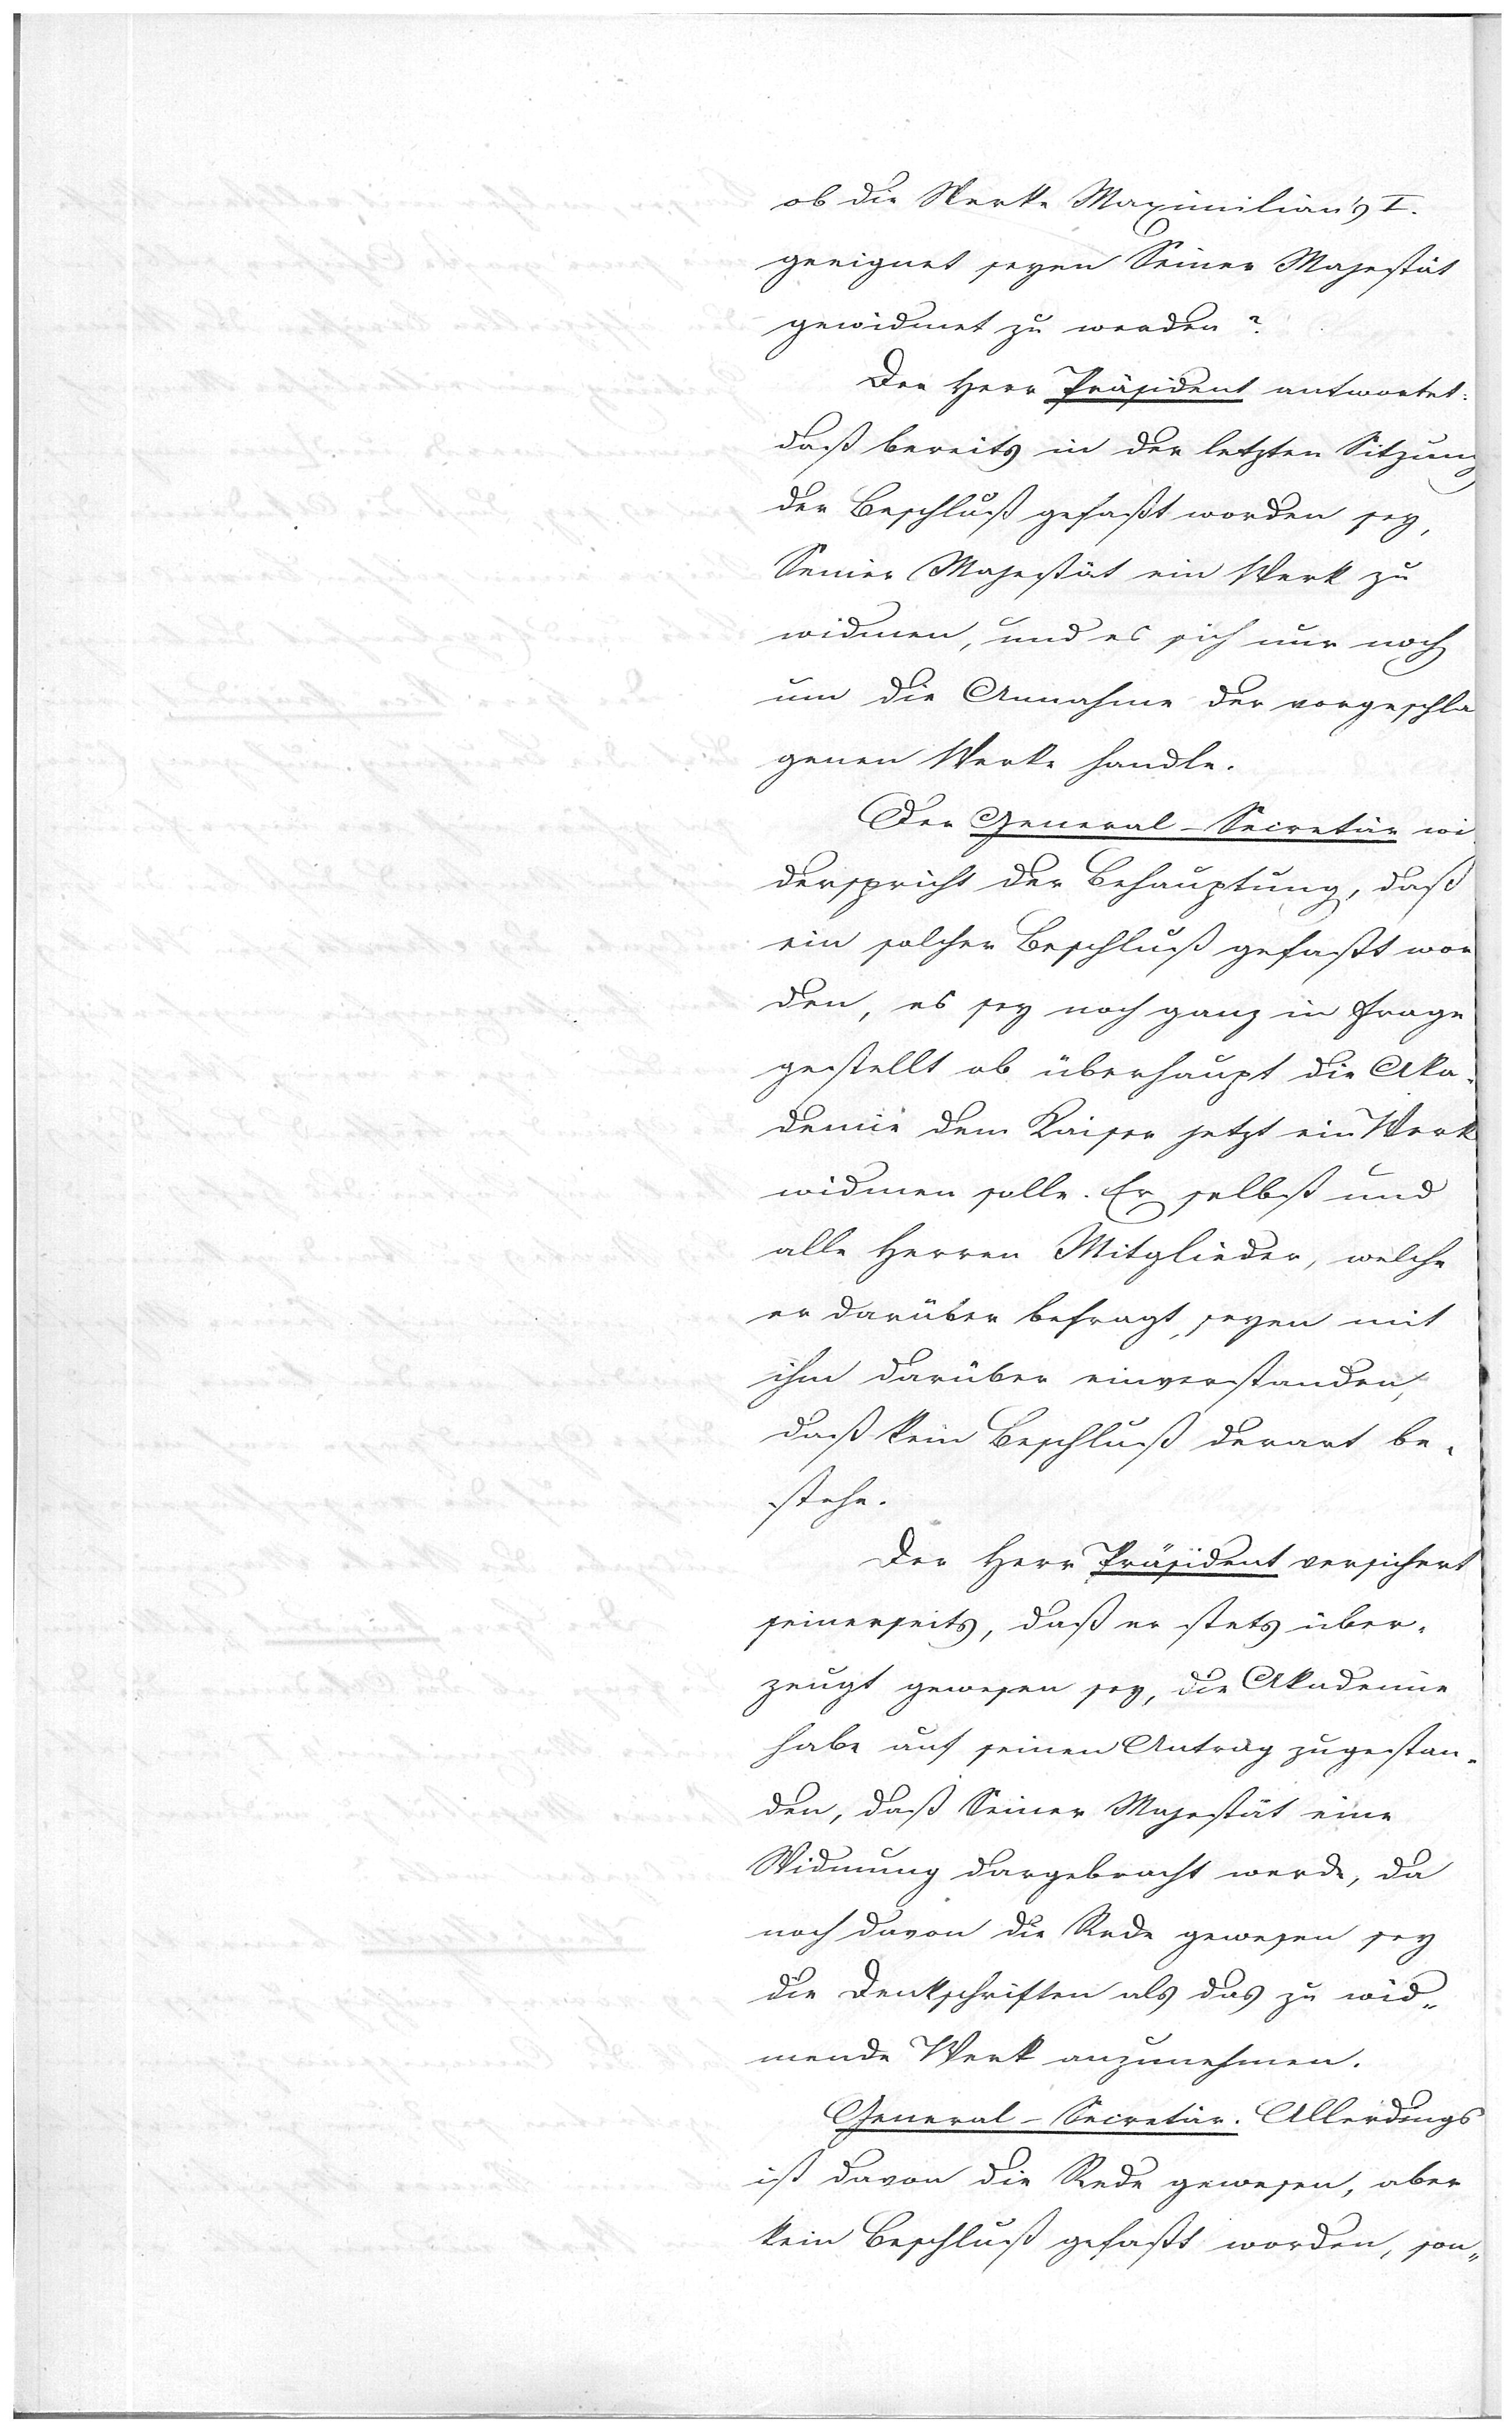ob die Werke Maximilian's I.
geeignet seyen Seiner Majestät
gewidmet zu werden?
Der Herr Präsident antwortet:
daß bereits in der letzten Sitzung
der Beschluß gefaßt worden sey,
Seiner Majestät ein Werk zu
widmen, und es sich nur noch
um die Annahme der vorgeschla-
genen Werke handle.
Der General-Secretär wi-
derspricht der Behauptung, daß
ein solcher Beschluß gefaßt wor-
den, es sey noch ganz in Frage
gestellt ob überhaupt die Aka-
demie dem Kaiser jetzt ein Werk
widmen solle. Er selbst und
alle Herren Mitglieder, welche
er darüber befragt, seyen mit
ihm darüber einverstanden,
daß kein Beschluß derart be-
stehe.
Der Herr Präsident versichert
seinerseits, daß er stets über-
zeugt gewesen sey, die Akademie
habe auf seinen Antrag zugestan-
den, daß Seiner Majestät eine
Widmung dargebracht werde, da
noch davon die Rede gewesen sey,
die Denkschriften als das zu wid-
menden Werk anzunehmen.
General-Secretär: Allerdings
ist davon die Rede gewesen, aber
kein Beschluß gefaßt worden, son-